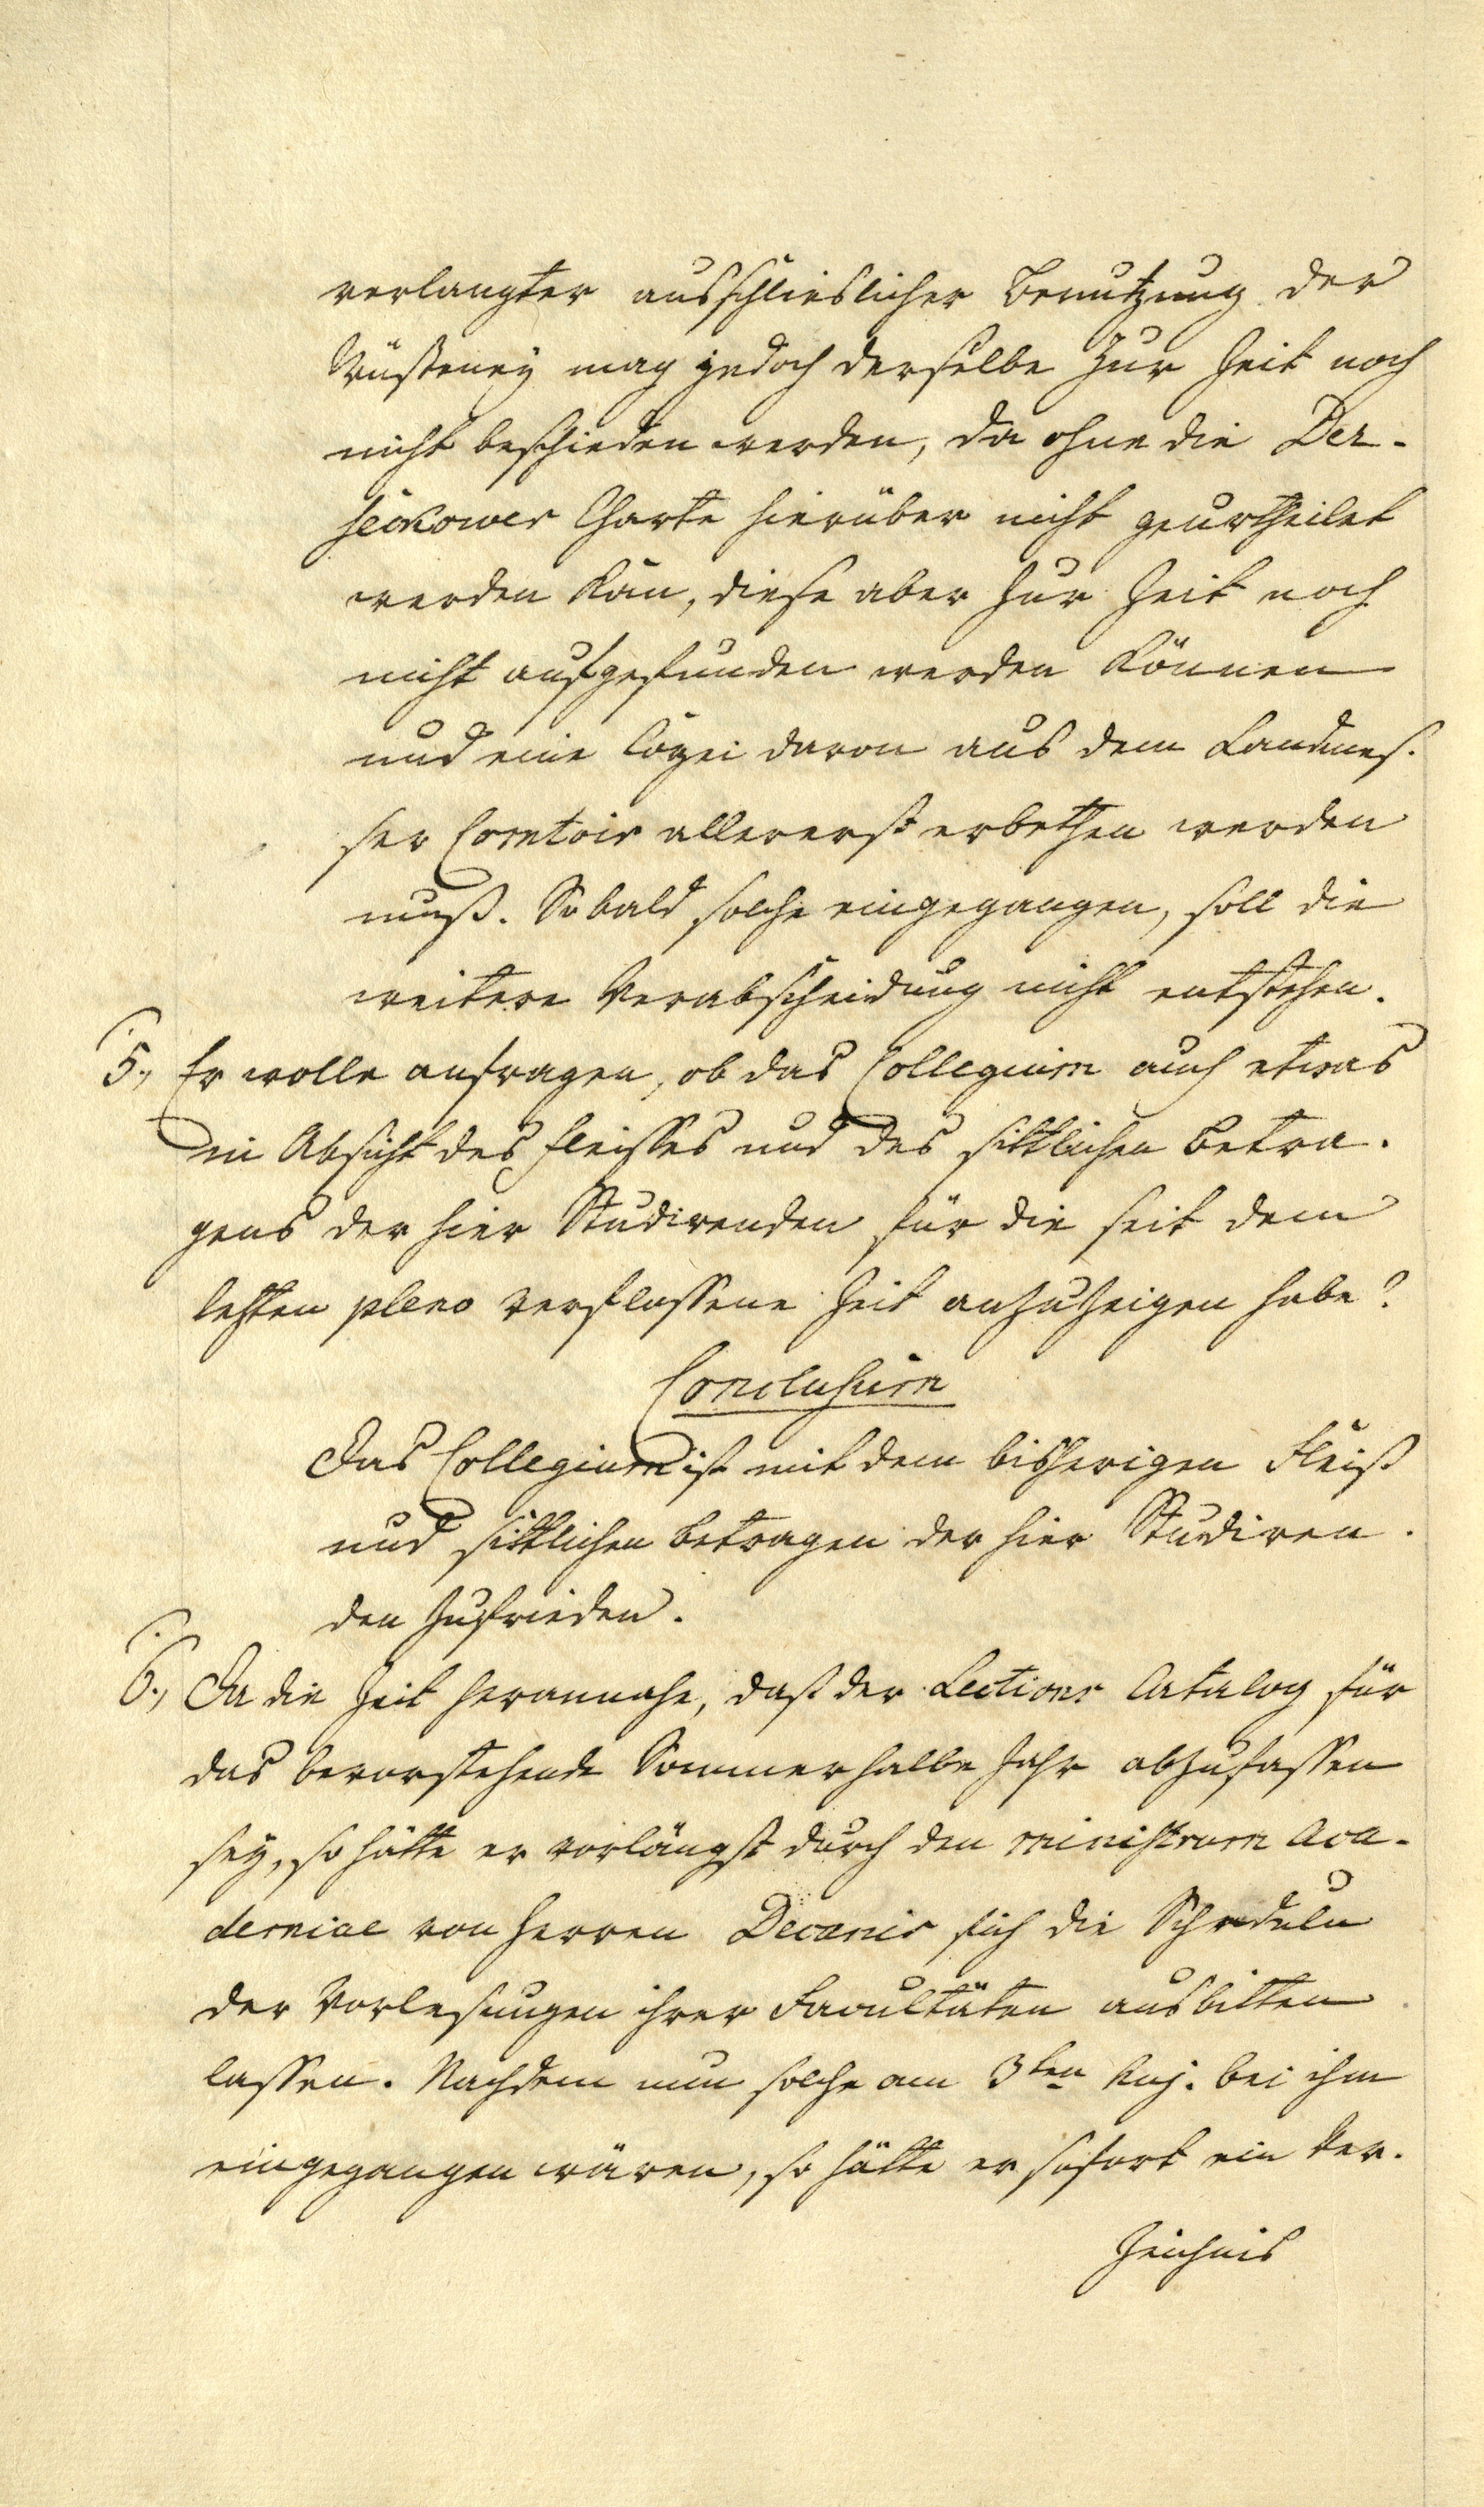verlangter ausschlieslicher Benutzung der
Wüsteneÿ man jedoch derselbe zur Zeit noch
nicht beschieden werden, da ohne die Der¬
seckower Charte hierüber nicht geurtheilet
werden kan, diese aber zur Zeit noch
nicht aufgefunden werden können
und eine Copei davon aus dem Landmes¬
ser Comtoir allererst erbethen werden
muß. So bald solche eingegangen, soll die
weitere Verabscheidung nicht entstehen.
5., Er wolle anfragen, ob das Collegium auch etwas
in Absicht des Fleisses und des sittlichen Betra¬
gens der hier Studirenden für die seit dem
letzten pleno verflossene Zeit anzuzeigen habe?
Conclusum
Das Collegium ist mit dem bisherigen Fleiß
und sittlichen Betragen der hier Studiren¬
den zufrieden.
6., Da die Zeit herannahe, daß der Lections Catalog für
das bevorstehende Sommerhalbe Jahr abzufassen
seÿ, so hätte er vorlängst durch den Ministrum Aca¬
demiae von Herren Decanis sich die Scheduln
der Vorlesungen ihrer Facultäten aus bitten
lassen. Nachdem nun solche am 3 ten huj. bei ihm
eingegangen wären, so hätte er sofort ein Ver¬
zeichnis